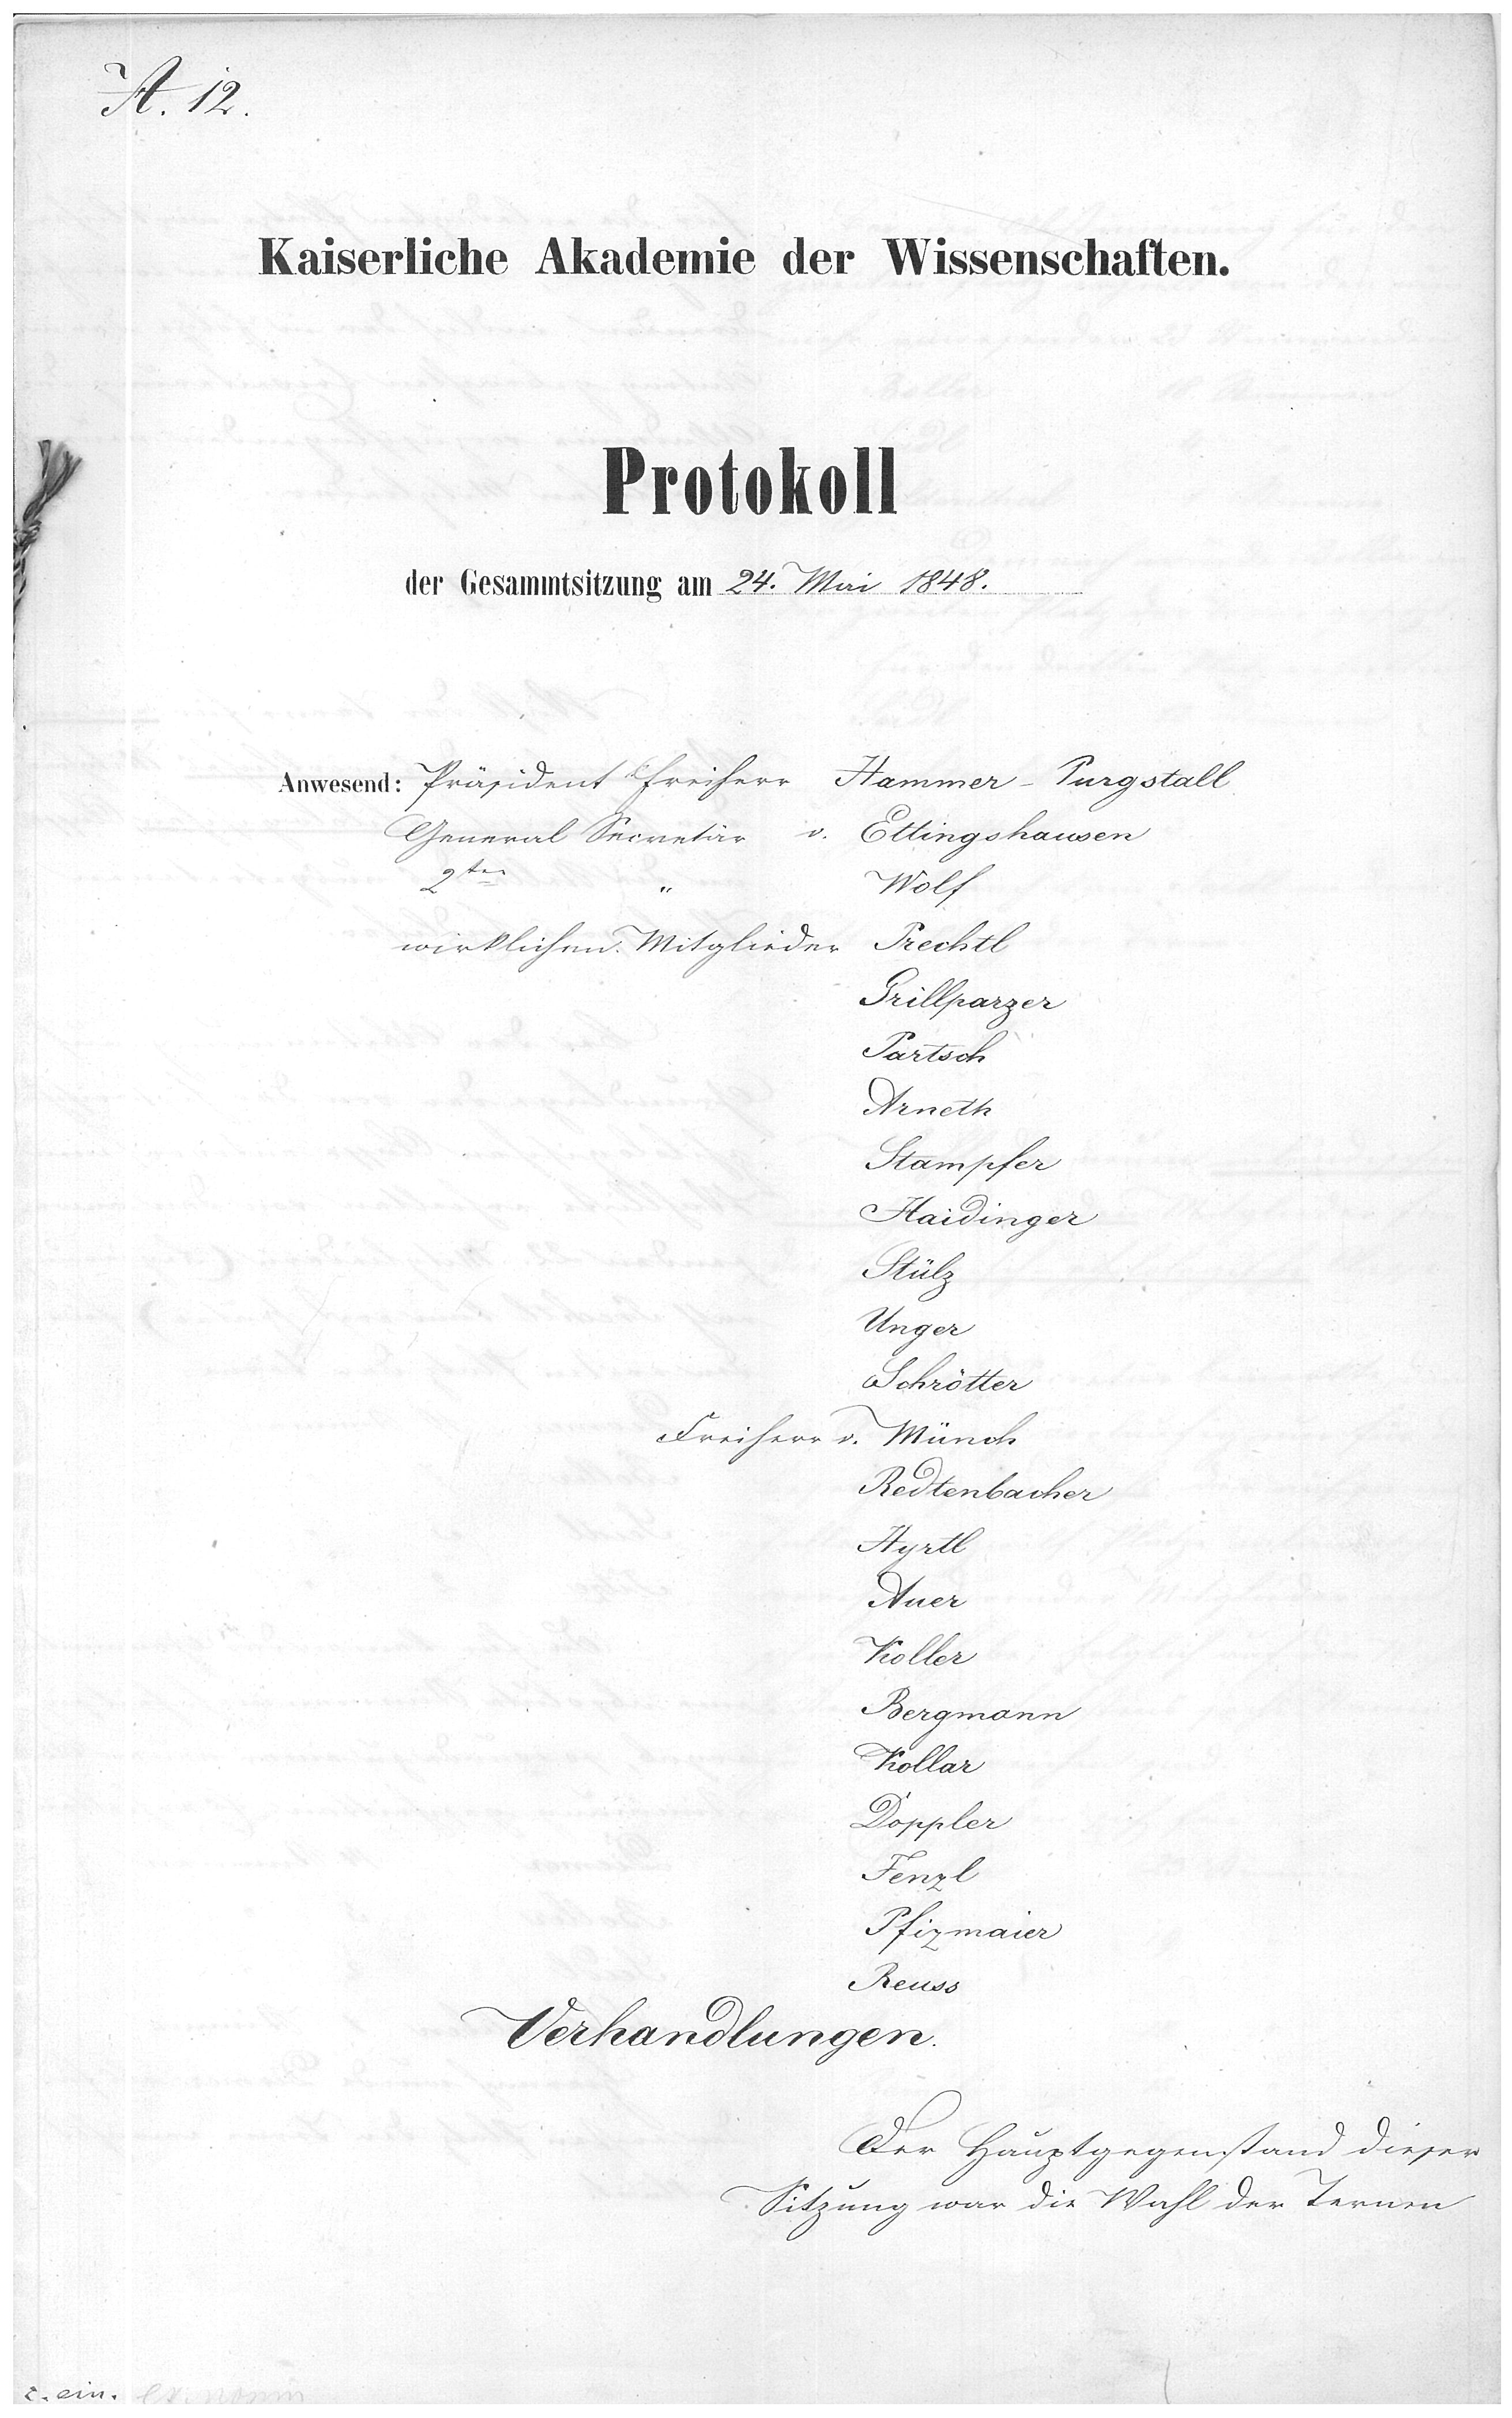A. 12.
Kaiserliche Akademie der Wissenschaften.
Protokoll
der Gesammtsitzung am 24. Mai 1848.
Anwesend: Präsident Freiherr Hammer-Purgstall
General Secretär v. Ettingshausen
2ter " Wolf
wirklichen Mitglieder Prechtl
Grillparzer
Partsch
Arneth
Stampfer
Haidinger
Stülz
Unger
Schrötter
Freiherr v. Münch
Redtenbacher
Hyrtl
Auer
Koller
Bergmann
Kollar
Doppler
Fenzl
Pfizmaier
Reuss
Verhandlungen.
der Hauptgegenstand dieser
Sitzung war die Wahl der Ternen